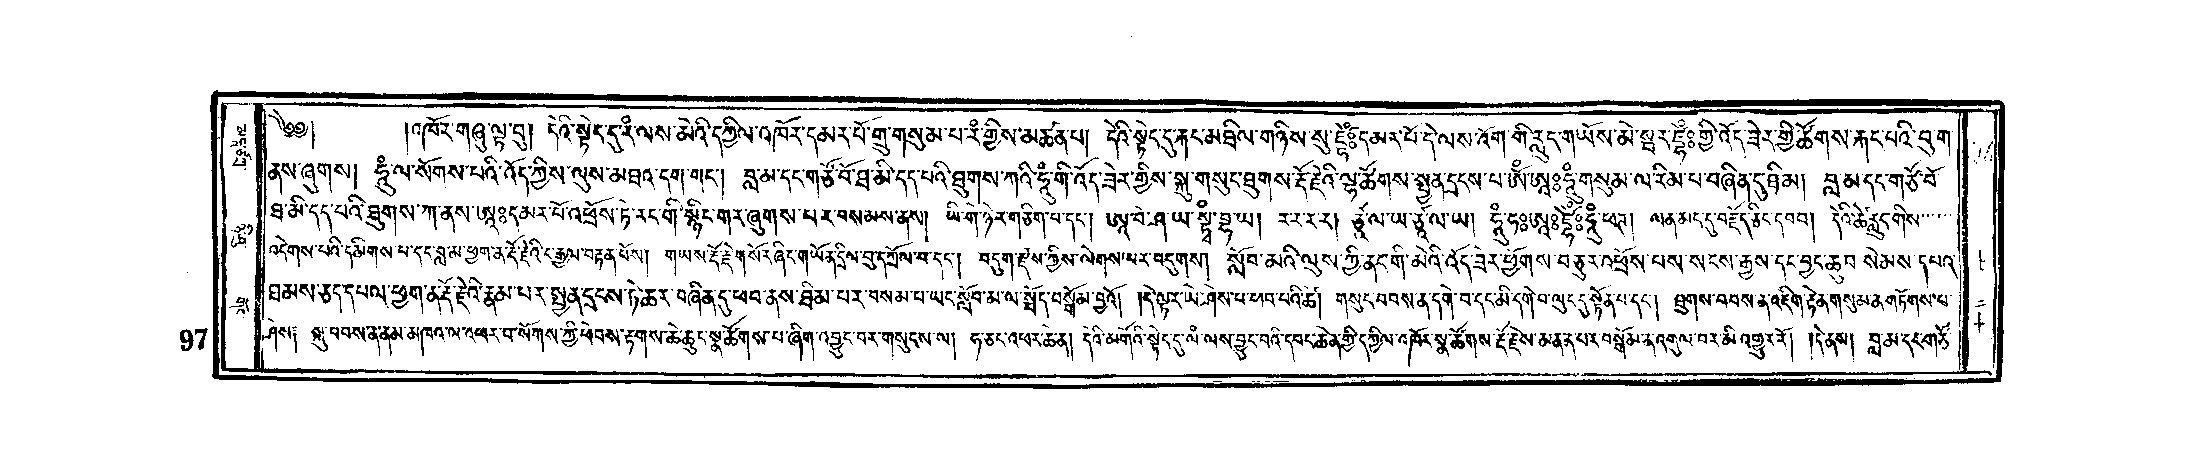༄༅། །འཁོར་གཞུ་ལྟ་བུ། དེའི་སྟེང་དུ་རཾ་ལས་མེའི་དཀྱིལ་འཁོར་དམར་པོ་གྲུ་གསུམ་པ་རཾ་གྱིས་མཚན་པ། དེའི་སྟེང་དུ་རྐང་མཐིལ་གཉིས་སུ་ཛྷེཾཿ དམར་པོ་དེ་ལས་འོག་གི་རླུང་གཡོས་མེ་སྦར་ཛྷེཾཿ གྱི་འོད་ཟེར་གྱི་ཚོགས་རྐང་པའི་བུ་ག་
ནས་ཞུགས། ཧཱུཾ་ལ་སོགས་པའི་འོད་ཀྱིས་ལུས་མཐའ་དག་གང་། བླ་མ་དང་གཙོ་བོ་ཐ་མི་དད་པའི་ཐུགས་ཀའི་ཧཱུཾ་གི་འོད་ཟེར་གྱིས་སྐུ་གསུང་ཐུགས་རྡོ་རྗེའི་ལྷ་ཚོགས་སྤྱན་དྲངས་པ་ཨོཾ་ཨཱཿ ཧཱུཾ་གསུམ་ལ་རིམ་པ་བཞིན་དུ་ཐིམ། བླ་མ་དང་གཙོ་བོ་
ཐ་མི་དད་པའི་ཐུགས་ཀ་ནས་ཨཱཿ དམར་པོ་འཕྲོས་ཏེ་རང་གི་སྙིང་གར་ཞུགས་པར་བསམས་ནས། ཡི་གེ་ཉེར་གཅིག་པ་དང་། ཨཱ་བེ་ཤ་ཡ་སྟྭཾ་བྷ་ཡ། ར་ར་ར་ར། ཙཱ་ལ་ཡ་ཙཱ་ལ་ཡ། ཧཱུཾ་ཧཿ ཨཱཿ ཛྷཻཾཿ ཧཱུཾ་ཕཊ། ལན་མང་དུ་བརྗོད་ཅིང་དབབ། དེའི་ཚེ་རླུང་གིས་
འདེགས་པའི་དམིགས་པ་དང་བླ་མ་ཕྱག་ན་རྡོ་རྗེའི་ང་རྒྱལ་བརྟན་པོས། གཡས་རྡོ་རྗེ་གསོར་ཞིང་གཡོན་དྲིལ་བུ་དཀྲོལ་བ་དང་། བདུག་རྫས་ཀྱིས་ལེགས་པར་བདུགས། སློབ་མའི་ལུས་ཀྱི་ནང་གི་མེའི་འོད་ཟེར་ཕྱོགས་བཅུར་འཕྲོས་པས་སངས་རྒྱས་དང་བྱང་ཆུབ་སེམས་དཔའ་
ཐམས་ཅད་དཔལ་ཕྱག་ན་རྡོ་རྗེའི་རྣམ་པར་སྤྱན་དྲངས་ཏེ་ཆར་བཞིན་དུ་ཕབ་ནས་ཐིམ་པར་བསམ་པ་ཡང་སློབ་མ་ལ་སྤོད་བསྒོམ་བྱའོ། །དེ་ལྟར་ཡེ་ཤེས་པ་ཕབ་པའི་ཚེ། གསུང་བབས་ན་དགེ་བ་དང་མི་དགེ་བ་ལུང་དུ་སྟོན་པ་དང་། ཐུགས་བབས་ན་འཇིག་རྟེན་གསུམ་ན་གཏོགས་པ་
ཤེས། སྐུ་བབས་ན་ནམ་མཁའ་ལ་འཕར་བ་སོགས་ཀྱི་ཕེབས་རྟགས་ཆེ་ཆུང་སྣ་ཚོགས་པ་ཞིག་འབྱུང་བར་གསུངས་ལ། ཧ་ཅང་འཕར་ཆེ་ན། དེའི་མགོའི་སྟེང་དུ་ལཾ་ལས་བྱུང་བའི་དབང་ཆེན་གྱི་དཀྱིལ་འཁོར་སྣ་ཚོགས་རྡོ་རྗེས་མནན་པར་བསྒོམ་ན་འགུལ་བར་མི་འགྱུར་རོ། །དེ་ནས། བླ་མ་དང་གཙོ་